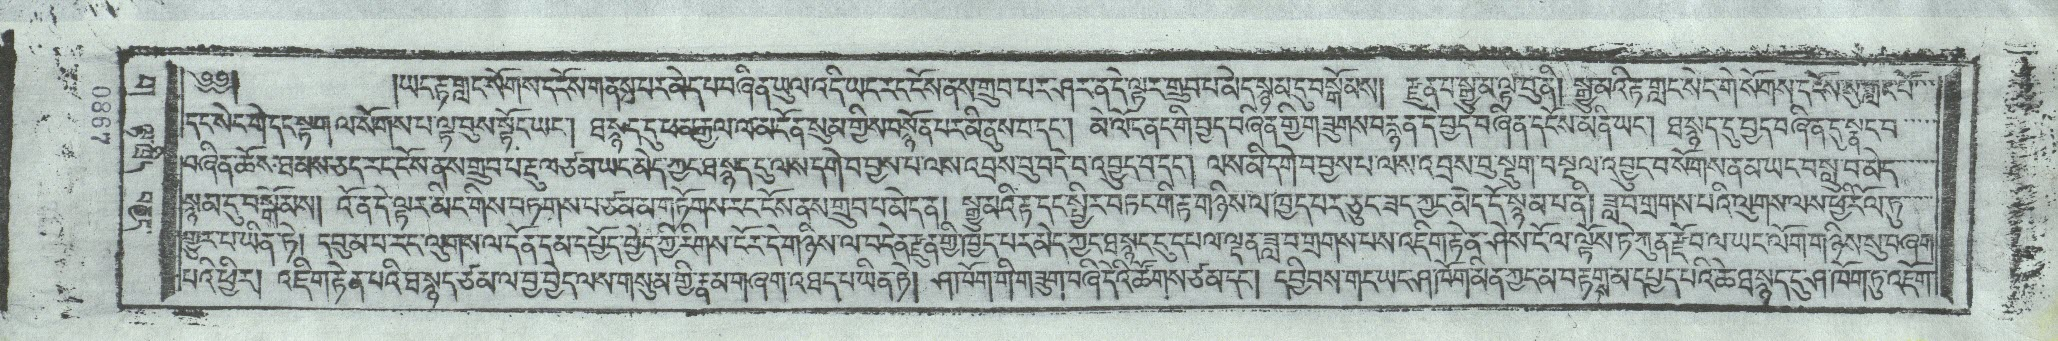༄༅། །ཡང་རྟ་གླང་སོགས་དངོས་གནས་པར་མེད་པ་བཞིན་ཡུལ་འདི་ཡང་རང་ངོས་ནས་གྲུབ་པར་ཤར་ན་དེ་ལྟར་གྲུབ་པ་མེད་སྙམ་དུ་བསྒོམས། རྫུན་པ་སྒྱུ་མ་ལྟ་བུ་ནི། སྒྱུ་མའི་རྟ་གླང་སེང་གེ་སོགས་དངོས་སུ་གླང་པོ་
དང་སེང་གེ་དང་སྟག་ལ་སོགས་པ་ལྟ་བུས་སྟོང་ཡང་། ཐ་སྙད་དུ་ཕམ་རྒྱལ་ལ་མངོན་སུམ་གྱིས་བསྙོན་པར་མི་ནུས་པ་དང་། མེ་ལོང་ནང་གི་བྱད་བཞིན་གྱི་གཟུགས་བརྙན་དེ་བྱད་བཞིན་དངོས་མིན་ཡང་། ཐ་སྙད་དུ་བྱད་བཞིན་དུ་སྣང་བ་
བཞིན་ཆོས་ཐམས་ཅད་རང་ངོས་ནས་གྲུབ་པ་རྡུལ་ཙམ་ཡང་མེད་ཀྱང་ཐ་སྙད་དུ་ལས་དགེ་བ་བྱས་པ་ལས་འབྲས་བུ་བདེ་བ་འབྱུང་བ་དང་། ལས་མི་དགེ་བ་བྱས་པ་ལས་འབྲས་བུ་སྡུག་བསྔལ་འབྱུང་བ་སོགས་ནམ་ཡང་བསླུ་བ་མེད་
སྙམ་དུ་བསྒོམས། འོ་ན་དེ་ལྟར་མིང་གིས་བཏགས་པ་ཙམ་མ་གཏོགས་རང་ངོས་ནས་གྲུབ་པ་མེད་ན། སྒྱུ་མའི་རྟ་དང་སྤྱིར་བཏང་གི་རྟ་གཉིས་ལ་ཁྱད་པར་ཅུང་ཟད་ཀྱང་མེད་དོ་སྙམ་པ་ནི། ཟླ་བ་གྲགས་པའི་ལུགས་ལས་ཕྱི་རོལ་ཏུ་
གྱུར་པ་ཡིན་ཏེ། དབུ་མ་པ་རང་ལུགས་ལ་དོན་དམ་དཔྱོད་བྱེད་ཀྱི་རིགས་ངོར་དེ་གཉིས་ལ་བདེན་རྫུན་གྱི་ཁྱད་པར་མེད་ཀྱང་ཐ་སྙད་དུ་དཔལ་ལྡན་ཟླ་བ་གྲགས་པས་འཇིག་རྟེན་ཤེས་ངོ་ལ་ལྟོས་ཏེ་ཀུན་རྫོབ་ལ་ཡང་ལོག་གཉིས་སུ་བཞག་
པའི་ཕྱིར། འཇིག་རྟེན་པའི་ཐ་སྙད་ཙམ་ལ་བྱ་བྱེད་ལས་གསུམ་གྱི་རྣམ་གཞག་འཐད་པ་ཡིན་ཏེ། ཤ་ཁོག་གི་གཟུག་བཞི་དེའི་ཚོགས་ཙམ་དང་། དབྱིབས་གང་ཡང་ཤ་ཁོག་མིན་ཀྱང་མ་བརྟགས་མ་དཔྱད་པའི་ཆེ་ཐ་སྙད་དུ་ཤ་ཁོག་ཏུ་འཇོག་